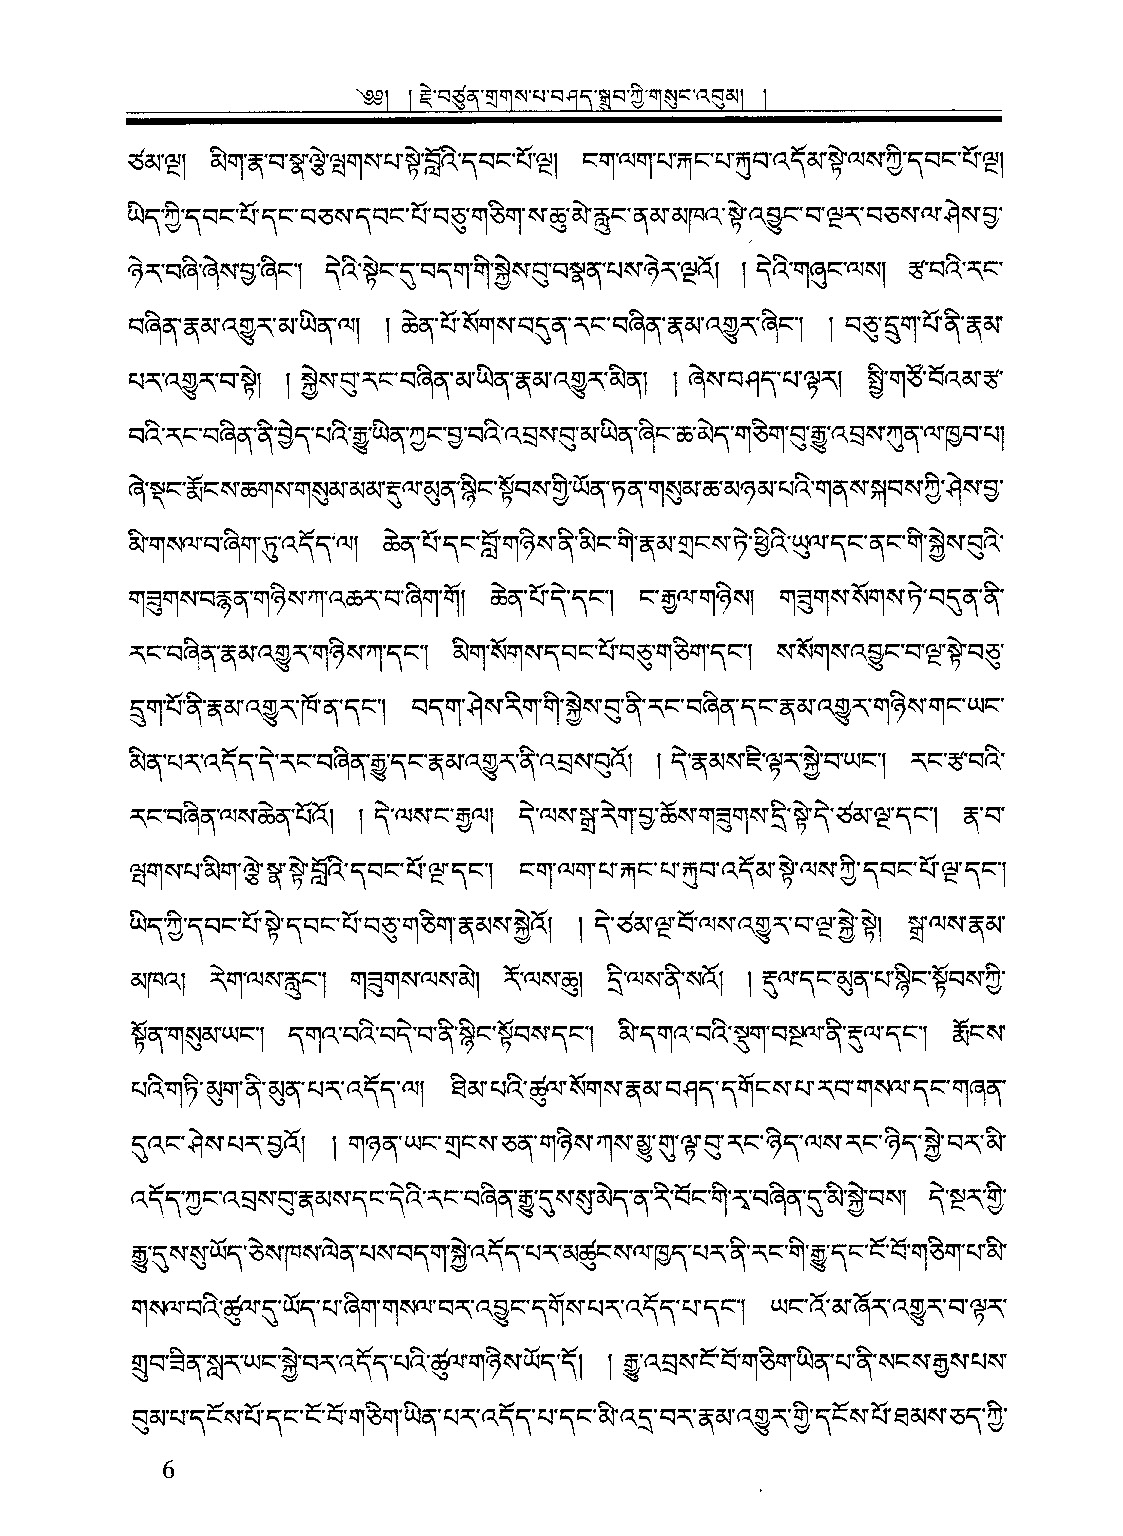ཙམ་ལྔ། མིག་རྣ་བ་སྣ་ལྕེ་ལྤགས་པ་སྟེ་བློའི་དབང་པོ་ལྔ། ངག་ལག་པ་རྐང་པ་རྐུབ་འདོམ་སྟེ་ལས་ཀྱི་དབང་པོ་ལྔ།
ཡིད་ཀྱི་དབང་པོ་དང་བཅས་དབང་པོ་བཅུ་གཅིག་ས་ཆུ་མེ་རླུང་ནམ་མཁའ་སྟེ་འབྱུང་བ་ལྔར་བཅས་ལ་ཤེས་བྱ་
ཉེར་བཞི་ཞེས་བྱ་ཞིང་། དེའི་སྟེང་དུ་བདག་གི་སྐྱེས་བུ་བསྣན་པས་ཉེར་ལྔའོ། །དེའི་གཞུང་ལས། རྩ་བའི་རང་
བཞིན་རྣམ་འགྱུར་མ་ཡིན་ལ། །ཆེན་པོ་སོགས་བདུན་རང་བཞིན་རྣམ་འགྱུར་ཞིང་། །བཅུ་དྲུག་པོ་ནི་རྣམ་
པར་འགྱུར་བ་སྟེ། །སྐྱེས་བུ་རང་བཞིན་མ་ཡིན་རྣམ་འགྱུར་མིན། །ཞེས་བཤད་པ་ལྟར། སྤྱི་གཙོ་བོའམ་རྩ་
བའི་རང་བཞིན་ནི་བྱེད་པའི་རྒྱུ་ཡིན་ཀྱང་བྱ་བའི་འབྲས་བུ་མ་ཡིན་ཞིང་ཆ་མེད་གཅིག་བུ་རྒྱུ་འབྲས་ཀུན་ལ་ཁྱབ་པ།
ཞེ་སྡང་རྨོངས་ཆགས་གསུམ་མམ་རྡུལ་མུན་སྙིང་སྟོབས་གྱི་ཡོན་ཏན་གསུམ་ཆ་མཉམ་པའི་གནས་སྐབས་ཀྱི་ཤེས་བྱ་
མི་གསལ་བ་ཞིག་ཏུ་འདོད་ལ། ཆེན་པོ་དང་བློ་གཉིས་ནི་མིང་གི་རྣམ་གྲངས་ཏེ་ཕྱིའི་ཡུལ་དང་ནང་གི་སྐྱེས་བུའི་
གཟུགས་བརྙན་གཉིས་ཀ་འཆར་བ་ཞིག་གོ། ཆེན་པོ་དེ་དང་། ང་རྒྱལ་གཉིས། གཟུགས་སོགས་ཏེ་བདུན་ནི་
རང་བཞིན་རྣམ་འགྱུར་གཉིས་ཀ་དང་། མིག་སོགས་དབང་པོ་བཅུ་གཅིག་དང་། ས་སོགས་འབྱུང་བ་ལྔ་སྟེ་བཅུ་
དྲུག་པོ་ནི་རྣམ་འགྱུར་ཁོ་ན་དང་། བདག་ཤེས་རིག་གི་སྐྱེས་བུ་ནི་རང་བཞིན་དང་རྣམ་འགྱུར་གཉིས་གང་ཡང་
མིན་པར་འདོད་དེ་རང་བཞིན་རྒྱུ་དང་རྣམ་འགྱུར་ནི་འབྲས་བུའོ། །དེ་རྣམས་ཇི་ལྟར་སྐྱེ་བ་ཡང་། རང་རྩ་བའི་
རང་བཞིན་ལས་ཆེན་པོའོ། །དེ་ལས་ང་རྒྱལ། དེ་ལས་སྒྲ་རེག་བྱ་ཆོས་གཟུགས་དྲི་སྟེ་དེ་ཙམ་ལྔ་དང་། རྣ་བ་
ལྤགས་པ་མིག་ལྕེ་སྣ་སྟེ་བློའི་དབང་པོ་ལྔ་དང་། ངག་ལག་པ་རྐང་པ་རྐུབ་འདོམ་སྟེ་ལས་ཀྱི་དབང་པོ་ལྔ་དང་།
ཡིད་ཀྱི་དབང་པོ་སྟེ་དབང་པོ་བཅུ་གཅིག་རྣམས་སྐྱེའོ། །དེ་ཙམ་ལྔ་བོ་ལས་འགྱུར་བ་ལྔ་སྐྱེ་སྟེ། སྒྲ་ལས་རྣམ་
མཁའ། རེག་ལས་རླུང་། གཟུགས་ལས་མེ། རོ་ལས་ཆུ། དྲི་ལས་ནི་སའོ། །རྡུལ་དང་མུན་པ་སྙིང་སྟོབས་ཀྱི་
སྟོན་གསུམ་ཡང་། དགའ་བའི་བདེ་བ་ནི་སྙིང་སྟོབས་དང་། མི་དགའ་བའི་སྡུག་བསྔལ་ནི་རྡུལ་དང་། རྨོངས་
པའི་གཏི་མུག་ནི་མུན་པར་འདོད་ལ། ཐིམ་པའི་ཚུལ་སོགས་རྣམ་བཤད་དགོངས་པ་རབ་གསལ་དང་གཞན་
དུའང་ཤེས་པར་བྱའོ། །གཉན་ཡང་གྲངས་ཅན་གཉིས་ཀས་མྱུ་གུ་ལྟ་བུ་རང་ཉིད་ལས་རང་ཉིད་སྐྱེ་བར་མི་
འདོད་ཀྱང་འབྲས་བུ་རྣམས་དང་དེའི་རང་བཞིན་གྱུ་དུས་སུ་མེད་ན་རི་བོང་གི་རྭ་བཞིན་དུ་མི་སྐྱེ་བས། དེ་སྔར་གྱི་
རྒྱུ་དུས་སུ་ཡོད་ཅེས་ཁས་ལེན་པས་བདག་སྐྱེ་འདོད་པར་མཚུངས་ལ་ཁྱད་པར་ནི་རང་གི་རྒྱུ་དང་ངོ་བོ་གཅིག་པ་མི་
གསལ་བའི་ཚུལ་དུ་ཡོད་པ་ཞིག་གསལ་བར་འབྱུང་དགོས་པར་འདོད་པ་དང་། ཡང་འོ་མ་ཞོར་འགྱུར་བ་ལྟར་
གྲུབ་ཟིན་སླར་ཡང་སྐྱེ་བར་འདོད་པའི་ཚུལ་གཉིས་ཡོད་དོ། །རྒྱུ་འབྲས་ངོ་བོ་གཅིག་ཡིན་པ་ནི་སངས་རྒྱས་པས་
བུམ་པ་དངོས་པོ་དང་ངོ་བོ་གཅིག་ཡིན་པར་འདོད་པ་དང་མི་འདྲ་བར་རྣམ་འགྱུར་གྱི་དངོས་པོ་ཐམས་ཅད་ཀྱི་